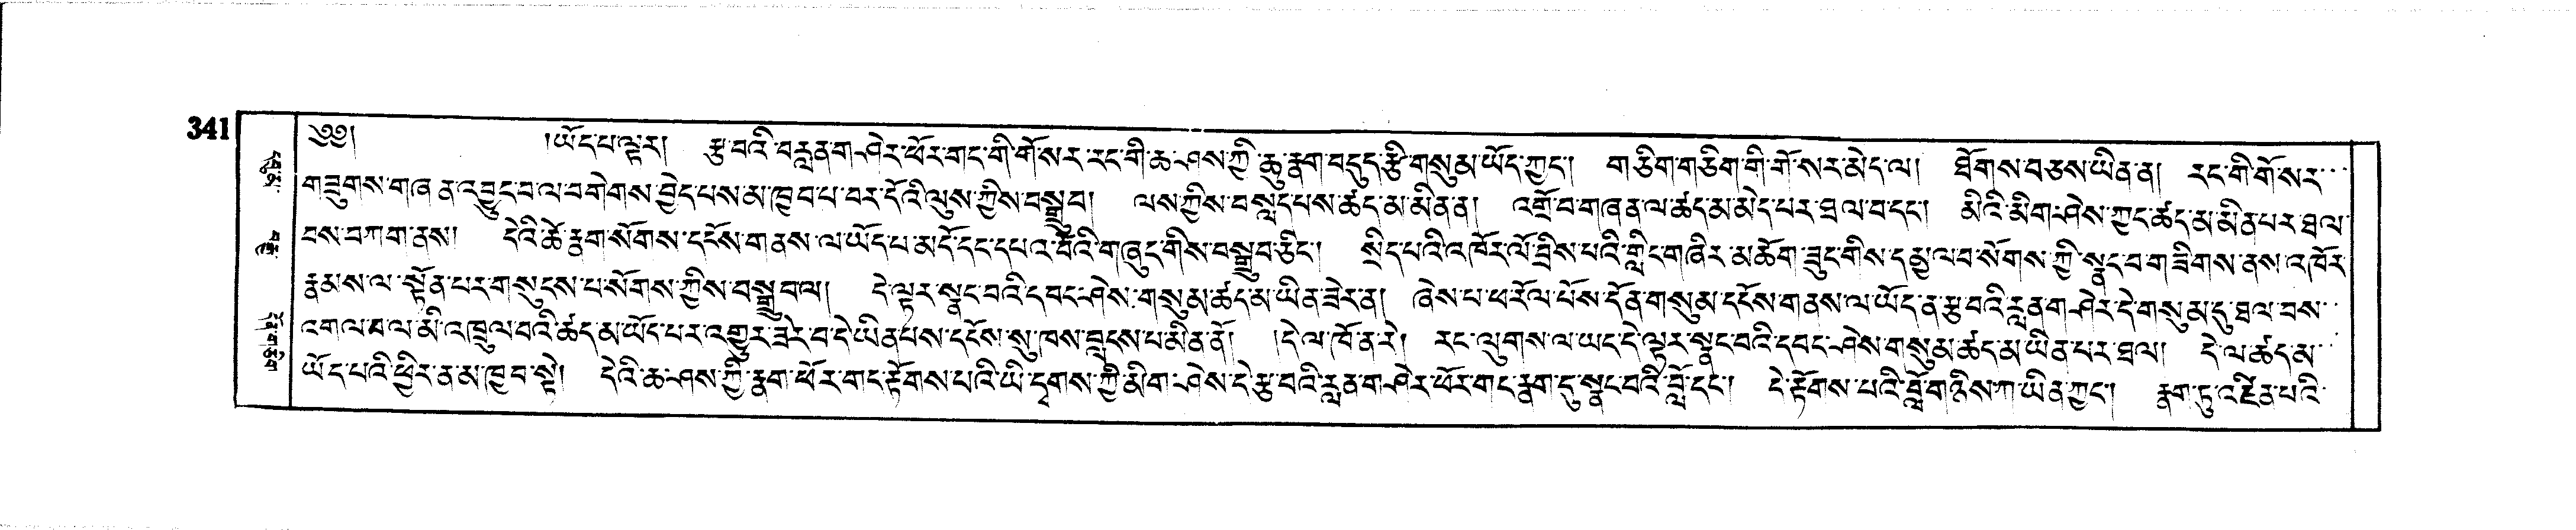༄༅། །ཡོད་པ་ལྟར། རྩ་བའི་བརླན་གཤེར་ཕོར་གང་གི་གོ་སར་རང་གི་ཆ་ཤས་ཀྱི་ཆུ་རྣག་བདུད་རྩི་གསུམ་ཡོད་ཀྱང་། གཅིག་གཅིག་གི་གོ་སར་མེད་ལ། ཐོགས་བཅས་ཡིན་ན། རང་གི་གོ་སར་
གཟུགས་གཞན་འབྱུང་བ་ལ་བགེགས་བྱེད་པས་མ་ཁྱབ་པ་བར་དོའི་ལུས་ཀྱིས་བསྒྲུབ། ལས་ཀྱིས་བསླད་པས་ཚད་མ་མིན་ན། འགྲོ་བ་གཞན་ལ་ཚད་མ་མེད་པར་ཐལ་བ་དང་། མིའི་མིག་ཤེས་ཀྱང་ཚད་མ་མིན་པར་ཐལ་
བས་བཀག་ནས། དེའི་ཚེ་རྣག་སོགས་དངོས་གནས་ལ་ཡོད་པ་མདོ་དང་དཔའ་བོའི་གཞུང་གིས་བསྒྲུབ་ཅིང་། སྲིད་པའི་འཁོར་ལོ་བྲིས་པའི་གླིང་གཞིར་མཆོག་ཟུང་གིས་དམྱལ་བ་སོགས་ཀྱི་སྣང་བ་གཟིགས་ནས་འཁོར་
རྣམས་ལ་སྟོན་པར་གསུངས་པ་སོགས་ཀྱིས་བསྒྲུབ་ལ། དེ་ལྟར་སྣང་བའི་དབང་ཤེས་གསུམ་ཚད་མ་ཡིན་ཟེར་ན། ཞེས་པ་ཕ་རོལ་པོས་དོན་གསུམ་དངོས་གནས་ལ་ཡོད་ན་རྩ་བའི་རླན་གཤེར་དེ་གསུམ་དུ་ཐལ་བས་
འགལ་བ་ལ་མི་འཁྲུལ་བའི་ཚད་མ་ཡོད་པར་འགྱུར་ཟེར་བ་དེ་ཡིན་པས་དངོས་སུ་ཁས་བླངས་པ་མིན་ནོ། །དེ་ལ་ཁོ་ན་རེ། རང་ལུགས་ལ་ཡང་དེ་ལྟར་སྣང་བའི་དབང་ཤེས་གསུམ་ཚད་མ་ཡིན་པར་ཐལ། དེ་ལ་ཚད་མ་
ཡོད་པའི་ཕྱིར་ན་མ་ཁྱབ་སྟེ། དེའི་ཆ་ཤས་ཀྱི་རྣག་ཕོར་གང་རྟོགས་པའི་ཡི་དྭགས་ཀྱི་མིག་ཤེས་དེ་རྩ་བའི་རླན་གཤེར་ཕོར་གང་རྣག་དུ་སྣང་བའི་བློ་དང་། དེ་རྟོགས་པའི་བློ་གཉིས་ཀ་ཡིན་ཀྱང་། རྣག་ཏུ་འཛིན་པའི་